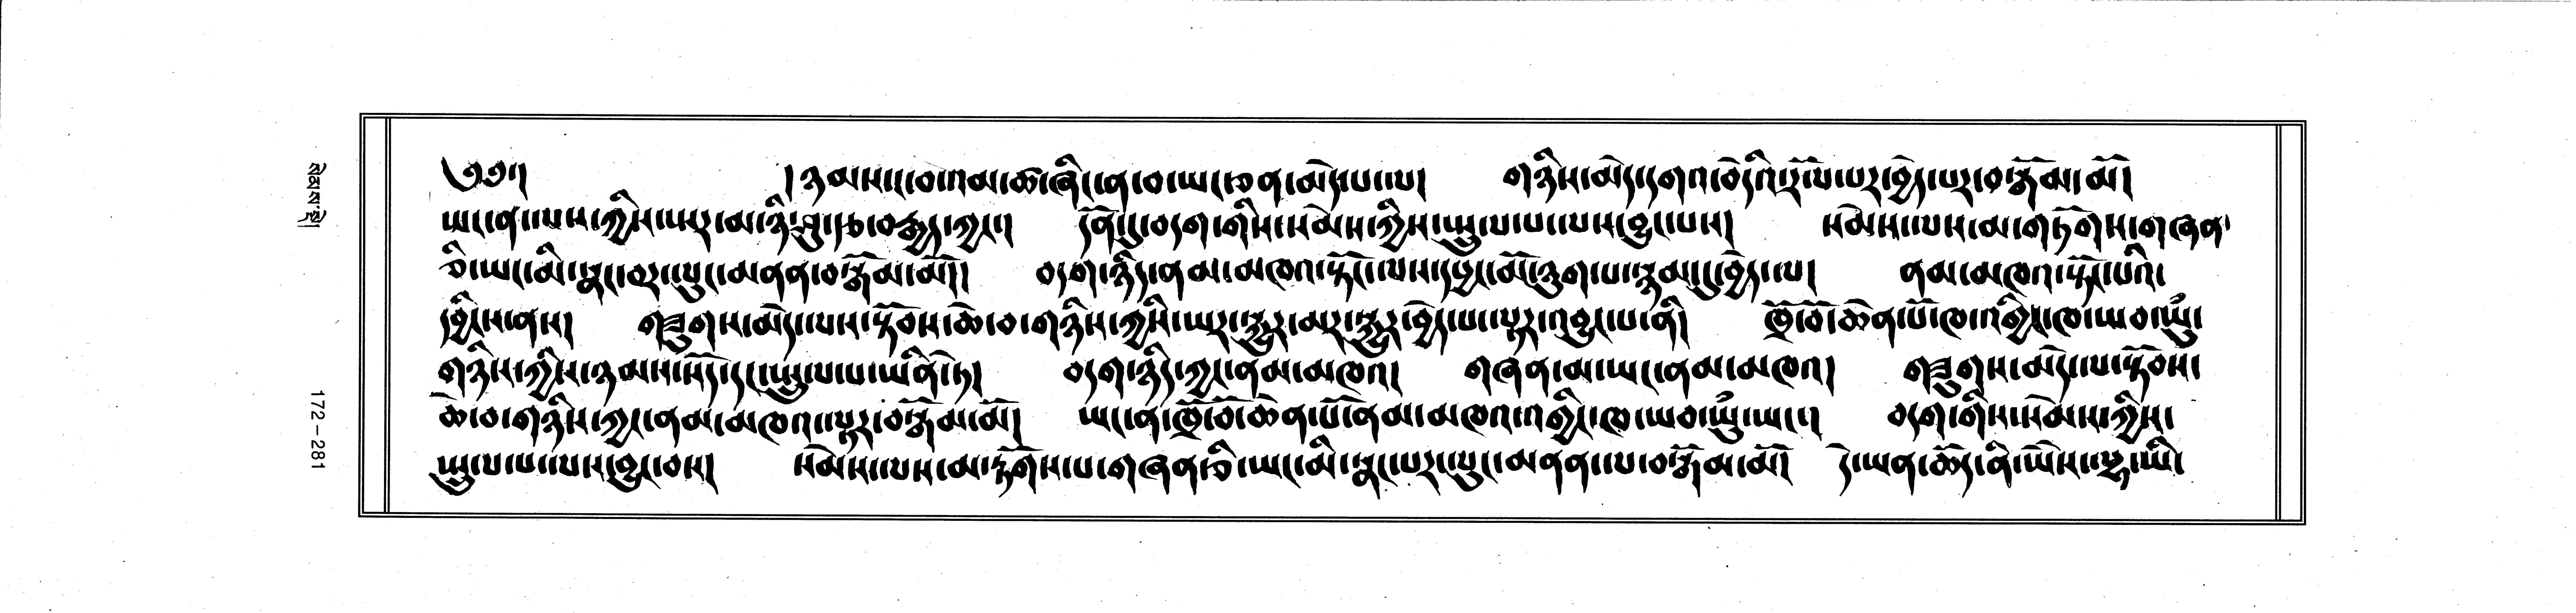ཉམས་ང་འམ་ཚ་ཞིང་ན་བ་ཡང་ཅན་མེད་པ་ལ། གཉིས་མེད་དགའ་བདེའི་རོལ་པར་བྱེད་པར་བསྒོམ་མོ།
ཡང་ན་ལས་ཀྱིས་སྤར་མ་ཉི་ཤུ་བརྒྱད་ཀྱང་། དོན་དུ་བདག་གིས་སེམས་ཀྱིས་སྤྲུལ་པ་ལས་བྱུང་པས། སེམས་ལས་མ་རྟོགས་གཞན་
ཅི་ཡང་མི་སྣང་བར་ལུང་མནན་བསྒོམ་མོ། བདག་ཉིད་ནམ་མཁའ་སྟོང་ལས་དཔྱང་མོ་ཉུག་པ་སྙམ་དུ་བྱེད་ལ། ནམ་མཁའ་སྟོང་པའི་
དབྱིངས་ནས། གཟུགས་མེད་ལས་སྟོབས་ཆེ་བ་གཉིས་ཀྱིས་ཡར་སྐྱུར་མར་སྐྱུར་བྱེད་པ་ལྟར་འབྱུང་པ་ནི། ཁྲོ་བོ་ཆེན་པོ་མཁའ་འགྱིང་ཁ་ཡབ་ཡུམ་
གཉིས་ཀྱིས་ཉམས་སོད་དང་སྤྲུལ་པ་ཡིན་ཏེ། བདག་ཉིད་ཀྱང་ནམ་མཁའ། གཞན་མ་ཡང་ནམ་མཁའ། གཟུགས་མེད་ལ་སྟོབས་
ཆེ་བ་གཉིས་ཀྱང་ནམ་མཁའ་ལྟར་བསྒོམ་མོ། ཡང་ན་ཁྲོ་བོ་ཆེན་པོ་མཁའ་འགྱིང་ཁ་ཡབ་ཡུམ་ཡང་། བདག་གིས་སེམས་ཀྱིས་
སྤྲུལ་པ་ལས་བྱུང་བས། སེམས་ལས་མ་རྟོགས་པ་གཞན་ཅི་ཡང་མི་སྣང་པར་ལུང་མནན་ལ་བསྒོམ་མོ། དེ་ཡན་ཆོད་ནི་ཡེ་ཤེས་ལྷ་ཡི་ཉམས་སོད་